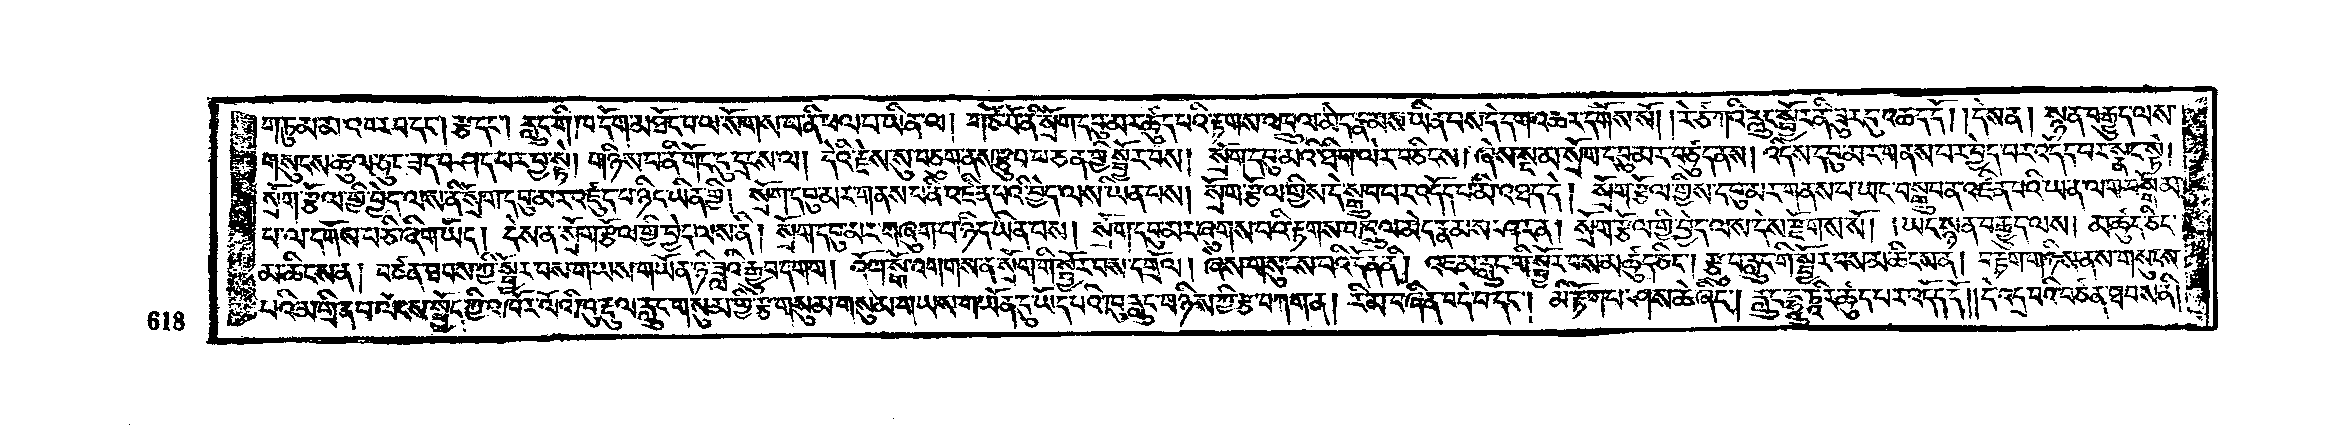གཏུམ་མ་འབར་བ་དང་། རྩ་དང་། རླུང་གི་ཁ་དོག་མཐོང་བ་ལ་སོགས་པ་ནི་ཕལ་པ་ཡིན་ལ། གཙོ་བོ་ནི་སྲོག་དབུ་མར་ཚུད་པའི་རྟགས་འཁྲུལ་མེད་རྣམས་ཡིན་པས་དེ་དག་འཆར་དགོས་སོ། །རེ་ཙ་ཀའི་རླུང་སྦྱོར་ནི་ཟུར་དུ་འཆད་དོ། །དེས་ན། སྙན་བརྒྱུད་ལས་
གསུངས་ཆུལ་ཅུང་ཟད་བཤད་པར་བྱ་སྟེ། གཉིས་པ་ནི་གོང་དུ་དྲངས་ལ། དེའི་རྗེས་སུ་བཅུག་ནས་རྩུབ་པ་ཅན་གྱི་སྦྱོར་བས། སྲོག་དབུ་མའི་ཐིག་ལེར་བཅིངས། ཞེས་སྔ་མ་སྲོག་དབུ་མར་བཙུད་ནས། འདིས་དབུ་མར་གནས་པར་བྱེད་པར་འདོད་པར་སྣང་སྟེ།
སྲོག་རྩོལ་གྱི་བྱེད་ལས་ནི་སྲོག་དབུ་མར་འཛུད་པ་ཉིད་ཡིན་གྱི། སྲོག་དབུ་མར་གནས་པ་ནི་འཛིན་པའི་བྱེད་ལས་ཡིན་པས། སྲོག་རྩོལ་གྱིས་དེ་སྒྲུབ་པར་འདོད་པ་མི་འཐད་དེ། སྲོག་རྩོལ་གྱིས་དབུ་མར་གནས་པ་ཡང་བསྒྲུབ་ན་འཛིན་པའི་ཡན་ལག་བསྒོམ་
པ་ལ་དགོས་པ་ཅི་ཞིག་ཡོད། དེས་ན་སྲོག་རྩོལ་གྱི་བྱེད་ལས་ནི། སྲོག་དབུ་མར་གཞུག་པ་ཉིད་ཡིན་པས། སྲོག་དབུ་མར་ཞུགས་པའི་རྟགས་འཁྲུལ་མེད་རྣམས་ཤར་ན། སྲོག་རྩོལ་གྱི་བྱེད་ལས་དེས་རྫོགས་སོ། །ཡང་སྙན་བརྒྱུད་ལས། མ་ཚུད་ཅིང་
མ་ཆིངས་ན། བཙན་ཐབས་ཀྱི་སྦྱོར་བས་གཡས་གཡོན་ཉི་ཟླའི་རྒྱུ་བ་དགག །འོག་སྒོ་འགགས་ན་སྲོག་གི་སྦྱོར་བས་དགྲོལ། ཞེས་གསུངས་པའི་དོན་ནི། འཇམ་རླུང་གི་སྦྱོར་བས་མ་ཚུད་ཅིང་། རྩུབ་རླུང་གི་སྦྱོར་བས་མ་ཆིངས་ན། བརྟག་གཉིས་ནས་གསུངས་
པའི་མགྲིན་པ་ལོངས་སྤྱོད་ཀྱི་འཁོར་ལོའི་ཁུ་རྡུལ་རླུང་གསུམ་གྱི་རྩ་གསུམ་གསུམ་གཡས་གཡོན་དུ་ཡོད་པའི་ཁུ་རླུང་གཉིས་ཀྱི་རྩ་བཀག་ན། རིམ་བཞིན་བདེ་བ་དང་། མི་རྟོག་པ་ཤས་ཆེ་ཞིང་། རླུང་དྷཱུ་ཏཱིར་ཚུད་པར་འདོད་དོ། །དེ་འདྲ་བའི་བཙན་ཐབས་ནི།